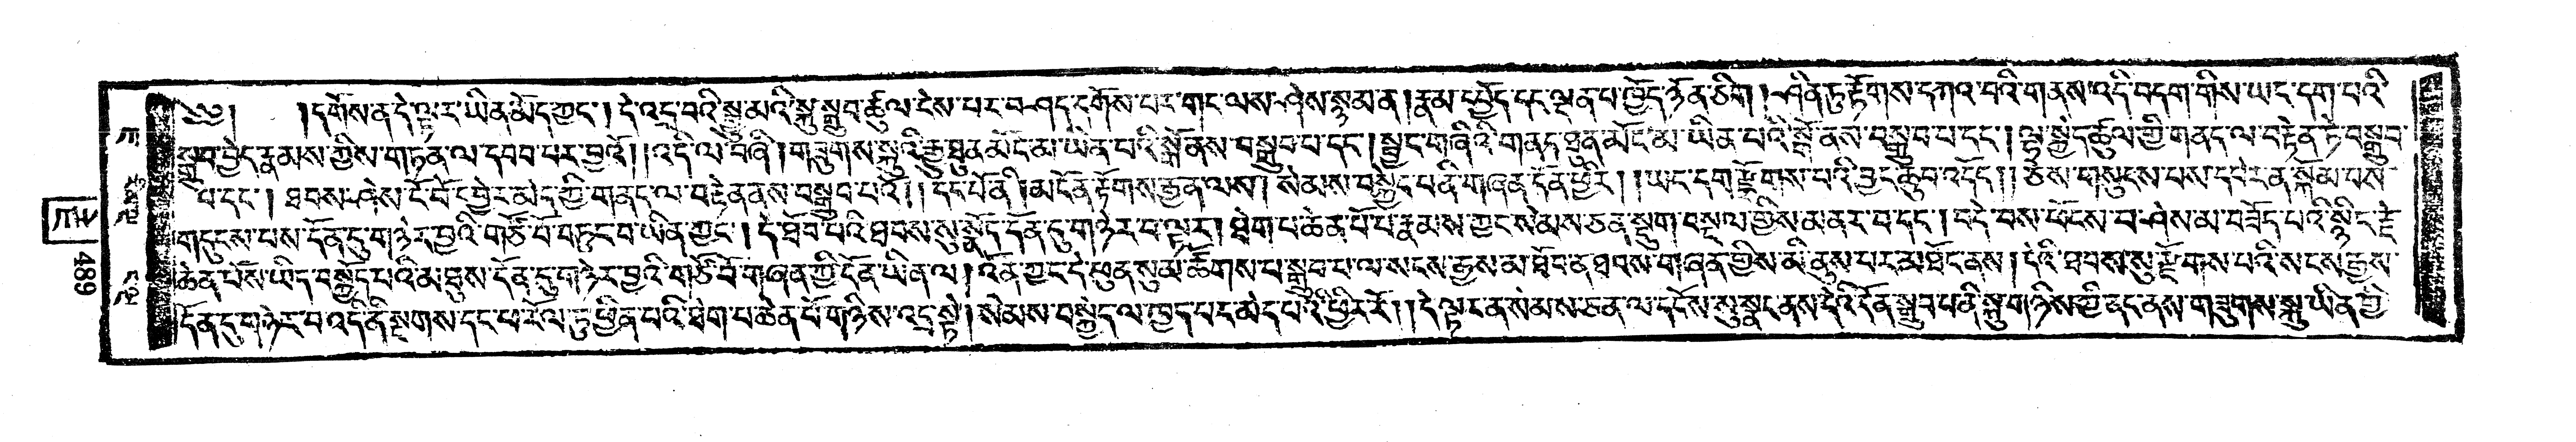༄༅། །དགོས་ན་དེ་ལྟར་ཡིན་མོད་ཀྱང་། དེ་འདྲ་བའི་སྒྱུ་མའི་སྐུ་སྒྲུབ་ཚུལ་ངེས་པར་བཤད་དགོས་པར་གང་ལས་ཤེས་སྙམ་ན། རྣམ་དཔྱོད་དང་ལྡན་པ་ཁྱོད་ཉོན་ཅིག །ཤིན་ཏུ་རྟོགས་དཀའ་བའི་གནས་འདི་བདག་གིས་ཡང་དག་པའི་
སྒྲུབ་བྱེད་རྣམས་ཀྱིས་གཏན་ལ་དབབ་པར་བྱའོ། །འདི་ལ་བཞི། གཟུགས་སྐུའི་རྒྱུ་ཐུན་མོང་མ་ཡིན་པའི་སྒོ་ནས་བསྒྲུབ་པ་དང་། སྦྱང་གཞིའི་གནད་ཐུན་མོང་མ་ཡིན་པའི་སྒོ་ནས་བསྒྲུབ་པ་དང་། ལྷ་སྐྱེད་ཚུལ་གྱི་གནད་ལ་བརྟེན་ཏེ་བསྒྲུབ་
པ་དང་། ཐབས་ཤེས་ངོ་བོ་དབྱེར་མེད་ཀྱི་གནད་ལ་བརྟེན་ནས་བསྒྲུབ་པའོ། །དང་པོ་ནི། མངོན་རྟོགས་རྒྱན་ལས། སེམས་བསྐྱེད་པ་ནི་གཞན་དོན་ཕྱིར། །ཡང་དག་རྫོགས་པའི་བྱང་ཆུབ་འདོད། །ཅེས་གསུངས་པས་དཔེར་ན་སྐོམ་པས་
གདུངས་པས་དོན་དུ་གཉེར་བྱའི་གཙོ་བོ་བཏུང་བ་ཡིན་ཀྱང་། དེ་ཐོབ་པའི་ཐབས་སུ་སྣད་དོན་དུ་གཉེར་བ་ལྟར། ཐེག་པ་ཆེན་པོ་པ་རྣམས་ཀྱང་སེམས་ཅན་སྡུག་བསྔལ་གྱིས་མནར་བ་དང་། བདེ་བས་ཕོངས་པ་ཤེས་མ་བཟོད་པའི་སྙིང་རྗེ་
ཆེན་པོས་ཡིད་བསྐྱོད་པའི་མཐུས་དོན་དུ་གཉེར་བྱའི་གཙོ་བོ་གཞན་གྱི་དོན་ཡིན་ལ། འོན་ཀྱང་དེ་ཕུན་སུམ་ཚོགས་པ་སྒྲུབ་པ་ལ་སངས་རྒྱས་མ་ཐོབ་ན་ཐབས་གཞན་གྱིས་མི་ནུས་པར་མཐོང་ནས། དེའི་ཐབས་སུ་རྫོགས་པའི་སངས་རྒྱས་
དོན་དུ་གཉེར་བ་འདི་ནི་སྔགས་དང་ཕ་རོལ་ཏུ་ཕྱིན་པའི་ཐེག་པ་ཆེན་པོ་གཉིས་འདྲ་སྟེ། སེམས་བསྐྱེད་ལ་ཁྱད་པར་མེད་པའི་ཕྱིར་རོ། །དེ་ལྟར་ན་སེམས་ཅན་ལ་དངོས་སུ་སྣང་ནས་དེའི་དོན་སྒྲུབ་པ་ནི་སྐུ་གཉིས་ཀྱི་ནང་ནས་གཟུགས་སྐུ་ཡིན་གྱི་